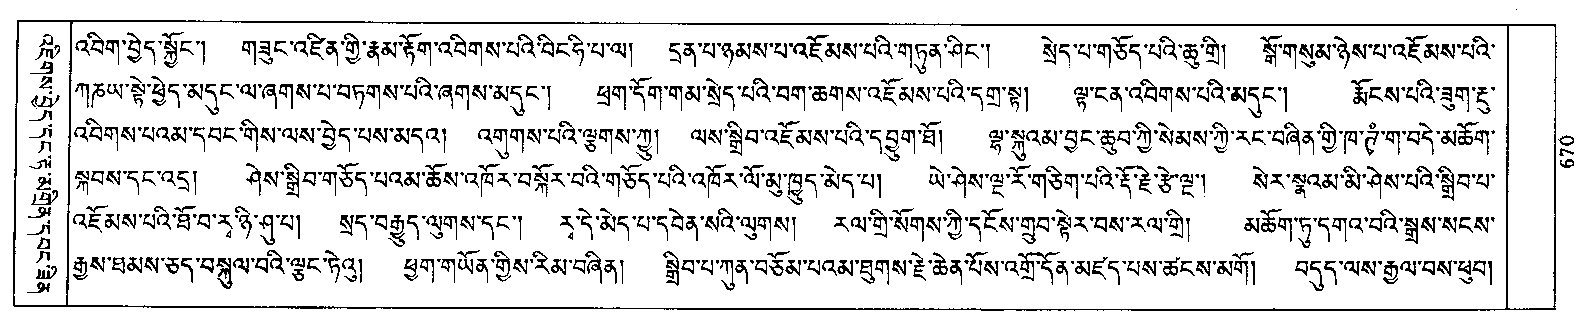འབིག་བྱེད་སྐྱོང་། གཟུང་འཛིན་གྱི་རྣམ་རྟོག་འབིགས་པའི་བིང་ཧི་པ་ལ། དྲན་པ་ཉམས་པ་འཇོམས་པའི་གཏུན་ཤིང་། སྲེད་པ་གཅོད་པའི་ཆུ་གྲི། སྒོ་གསུམ་ཉེས་པ་འཇོམས་པའི་
ཀཎྱ་སྟེ་ཕྱེད་མདུང་ལ་ཞགས་པ་བཏགས་པའི་ཞགས་མདུང་། ཕྲག་དོག་གམ་སྲེད་པའི་བག་ཆགས་འཇོམས་པའི་དགྲ་སྟ། ལྟ་ངན་འབིགས་པའི་མདུང་། རྨོངས་པའི་ཟུག་རྔུ་
འབིགས་པའམ་དབང་གིས་ལས་བྱེད་པས་མདའ། འགུགས་པའི་ལྕགས་ཀྱུ། ལས་སྒྲིབ་འཇོམས་པའི་དབྱུག་ཐོ། ལྷ་སྐུའམ་བྱང་ཆུབ་ཀྱི་སེམས་ཀྱི་རང་བཞིན་གྱི་ཁ་ཊྭཾ་ག་བདེ་མཆོག་
སྐབས་དང་འདྲ། ཤེས་སྒྲིབ་གཅོད་པའམ་ཆོས་འཁོར་བསྐོར་བའི་གཅོད་པའི་འཁོར་ལོ་མུ་ཁྱུད་མེད་པ། ཡེ་ཤེས་ལྔ་རོ་གཅིག་པའི་རྡོ་རྗེ་རྩེ་ལྔ། སེར་སྣའམ་མི་ཤེས་པའི་སྒྲིབ་པ་
འཇོམས་པའི་ཐོ་བ་རྭ་ཉི་ཤུ་པ། སྲད་བརྒྱུད་ལུགས་དང་། རྭ་དེ་མེད་པ་དབེན་སའི་ལུགས། རལ་གྲི་སོགས་ཀྱི་དངོས་གྲུབ་སྟེར་བས་རལ་གྲི། མཆོག་ཏུ་དགའ་བའི་སྒྲས་སངས་
རྒྱས་ཐམས་ཅད་བསྐུལ་བའི་ལྕང་ཏེའུ། ཕྱག་གཡོན་གྱིས་རིམ་བཞིན། སྒྲིབ་པ་ཀུན་བཅོམ་པའམ་ཐུགས་རྗེ་ཆེན་པོས་འགྲོ་དོན་མཛད་པས་ཚངས་མགོ། བདུད་ལས་རྒྱལ་བས་ཕུབ།